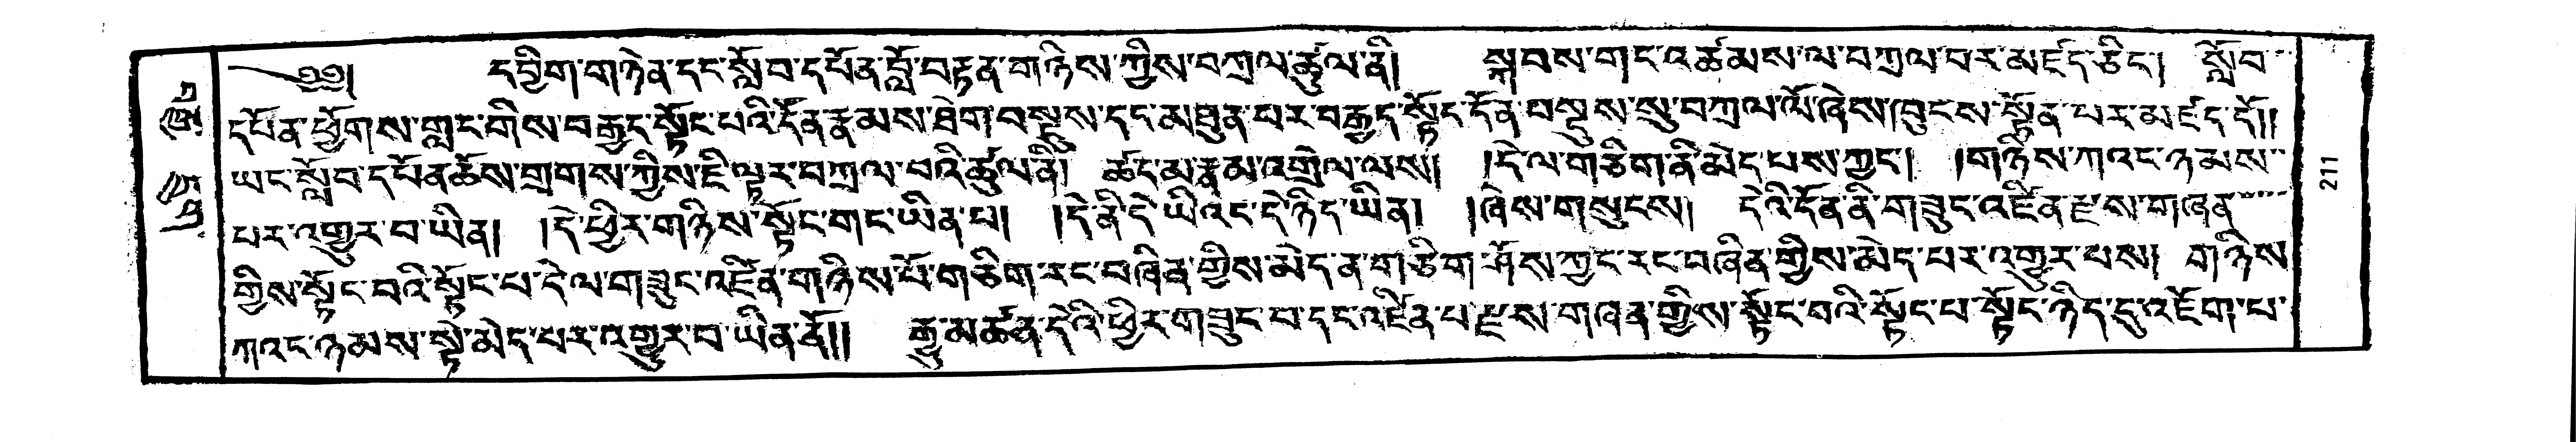༄༅། །དབྱིག་གཉེན་དང་སློབ་དཔོན་བློ་བརྟན་གཉིས་ཀྱིས་བཀྲལ་ཚུལ་ནི། སྐབས་གང་འཚམས་ལ་བཀྲལ་བར་མཛད་ཅིང་། སློབ་
དཔོན་ཕྱོགས་གླང་གིས་བརྒྱད་སྟོང་པའི་དོན་རྣམས་ཐེག་བསྡུས་དང་མཐུན་པར་བརྒྱད་སྟོང་དོན་བསྡུས་སུ་བཀྲལ་ལོ་ཞེས་ཁུངས་སྟོན་པར་མཛད་དོ། །
ཡང་སློབ་དཔོན་ཆོས་གྲགས་ཀྱིས་ཇི་ལྟར་བཀྲལ་བའི་ཚུལ་ནི། ཚད་མ་རྣམ་འགྲེལ་ལས། །དེ་ལ་གཅིག་ནི་མེད་པས་ཀྱང་། །གཉིས་ཀའང་ཉམས་
པར་འགྱུར་བ་ཡིན། །དེ་ཕྱིར་གཉིས་སྟོང་གང་ཡིན་པ། །དེ་ནི་དེ་ཡིའང་དེ་ཉིད་ཡིན། །ཞེས་གསུངས། དེའི་དོན་ནི་གཟུང་འཛིན་རྫས་གཞན་
གྱིས་སྟོང་བའི་སྟོང་པ་དེ་ལ་གཟུང་འཛིན་གཉིས་པོ་གཅིག་རང་བཞིན་གྱིས་མེད་ན་གཅིག་ཤོས་ཀྱང་རང་བཞིན་གྱིས་མེད་པར་འགྱུར་པས། གཉིས་
ཀའང་ཉམས་སྟེ་མེད་པར་འགྱུར་བ་ཡིན་ནོ། །རྒྱུ་མཚན་དེའི་ཕྱིར་གཟུང་བ་དང་འཛིན་པ་རྫས་གཞན་གྱིས་སྟོང་བའི་སྟོང་པ་སྟོང་ཉིད་དུ་འཇོག་པ་